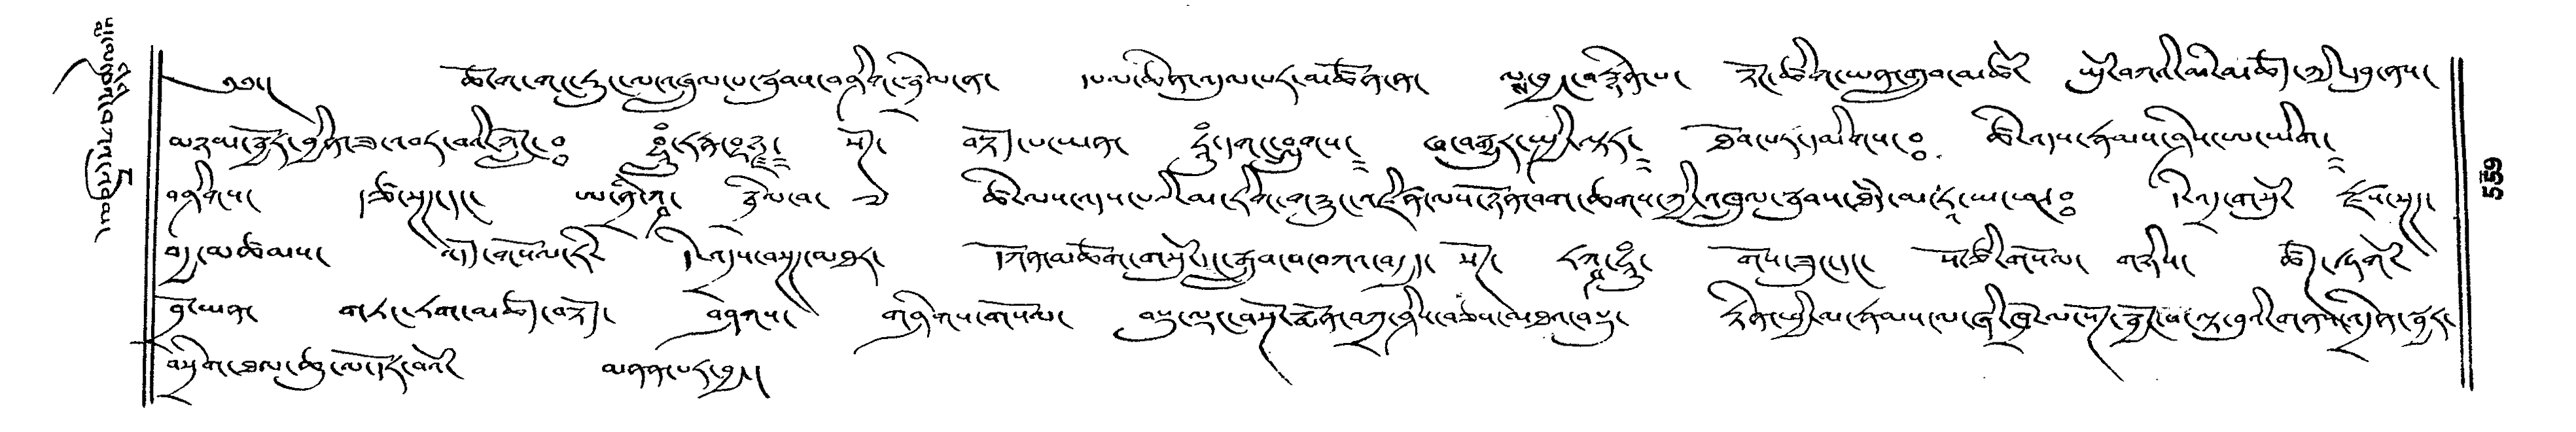ཆོ་ག་གང་རུང་ལ་འཁྲུལ་པ་སྦུབས་བཤིག་སྦྲེལ་ན། དཔལ་ཆེན་འདུས་པར་མཚོན་ན། ལས་བྱང་བསྙེན་པ། སྟོང་ཚིག་ཡན་གྲུབ་མཚམས། ཡུམ་ཀའི་མེ་མཆོད་ཀྱི་དབུ་ནས་
མཉམ་སྦྱོར་བྱིན་ཟ་འབར་བའི་ཀློངཿ བྷྲུཾ་རརྣ་བྷཉྫ༴ སོགས། བསྟོད་པ་ཡན། ཧཱུྃ་དགང་བླུགས༴ ཁ་བསྒྱུར་སྤྱི་ལྟར། ཐོབ་པར་དམིགསཿ ཚེ་འདས་རྣམས་ཤེས་ཡ་ཡིག༴ 
བཤིགས། རྩ་སྔགས་དང་། ཨ་ནྲི་ཀྵ། སྦྲེལ་བ་བདུན། ཚེ་ལས་འདས་པའི་མ་རིག་གཟུང་འཛིན་ལས་ཉོན་བག་ཆགས་ཀྱི་འཁྲུལ་སྦུབས་ཐམས་ཅད་མ་རཱ་ཡ་ཕཊཿ དེ་འདྲ་གསུམ། རྫས་སྔགས་
བརྒྱ་མཚམས། འདོད་གསོལ་རེ། དེ་འདྲས་བསྔགས་མཐར། དཀོན་མཆོག་གསུམ་དང་སྒྲུབ་པ་བཀའ་བརྒྱད༴ སོགས། རཀྵ་ཧཱུཾ། གོས་ཟུང་དང་།སོ་ཙི་གསོལ། གཉིས། ཚོགས་ལྷག་མ་
བྲོ་ཡན། གཏང་རག མཆོད་བསྟོད། བཤགས། གཤེགས་གསོལ། བསྡུ་ལྡང་། བསྔོ་སྨོན་བཀྲ་ཤིས་བཅས་མཐའ་བསྡུ། རྟེན་ཕྱི་མ་རྣམས་ལ་ཞི་ཁྲོ་ལ་སོགས་སྦྱོང་པ་ལྟ་བུའི་གནས་འདྲེན་སྦྱར། 
བསྲེགས་ཐལ་ཆུ་ལ་དོར་བའམ། མནན་པར་བྱ།